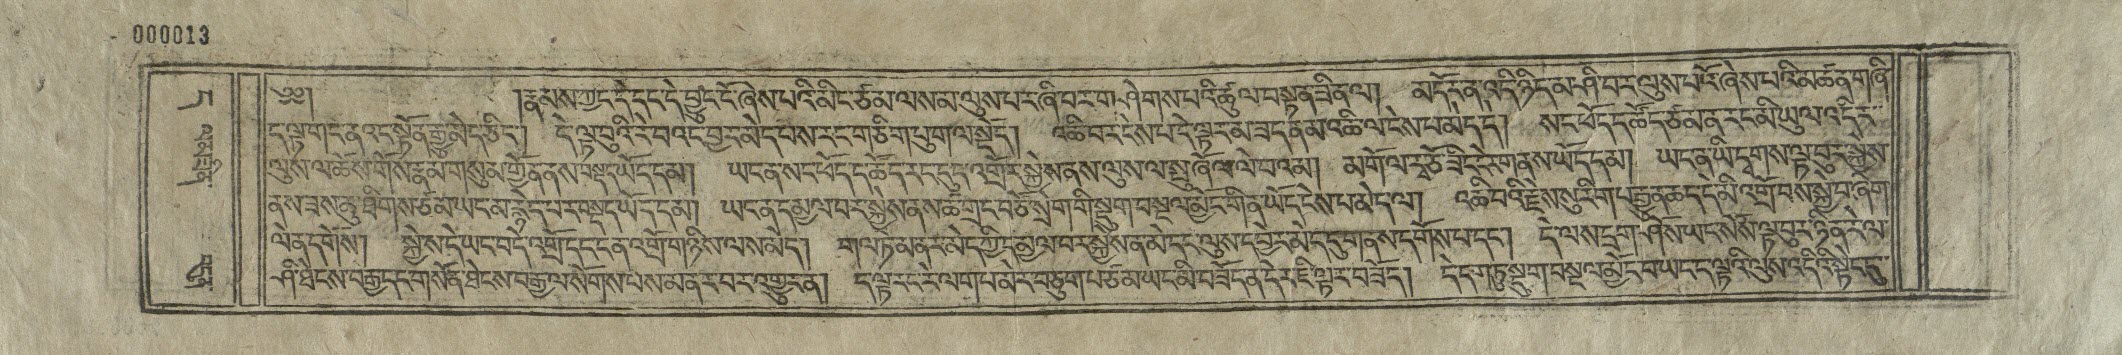༄༅། །རྣམས་ཀྱང་དེ་དང་དེ་བྱུང་ངོ་ཞེས་པའི་མིང་ཙམ་ལས་མ་ལུས་པར་ཞི་བར་གཤེགས་པའི་ཚུལ་བསྟན་ཟིན་ལ། མདོར་ན་འདི་ཉིད་མ་ཤི་བར་ལུས་པའོ་ཞེས་པའི་མཚན་གཞི་
ད་ལྟ་གང་ནའང་སྟོན་རྒྱུ་མེད་ཅིང་། དེ་ལྟ་བུའི་རེ་བའང་བྱར་མེད་པས་རང་གཅིག་པུ་ག་ལ་སྡོད། འཆི་བར་ངེས་པ་དེ་ལྟར་མ་ཟད་ནམ་འཆི་ལ་ངེས་པ་མེད་དེ། སང་ཕོད་ད་ཚོད་ཙམ་ན་རང་མི་ཡུལ་འདིར་
ལུས་ལ་ཆོས་གོས་རྣམ་གསུམ་གྱོན་ནས་བསྡད་ཡོད་དམ། ཡང་ན་སང་ཕོད་ད་ཚོད་རང་དུད་འགྲོར་སྐྱེས་ནས་ལུས་ལ་སྤུ་ཞོལ་ལེ་བའམ། མགོ་ལ་རྭ་ཅོ་ཟིང་ངེར་གནས་ཡོད་དམ། ཡང་ན་ཡི་དྭགས་ལྟ་བུར་སྐྱེས་
ནས་ཟས་ཆུ་ཐིགས་ཙམ་ཡང་མ་རྙེད་པར་བསྡད་ཡོད་དམ། ཡང་ན་དམྱལ་བར་སྐྱེས་ནས་ཚ་གྲང་བཙོ་སྲེག་གི་སྡུག་བསྔལ་མྱོང་གིན་ཡོད་ངེས་པ་མེད་ལ། འཆི་བའི་རྗེས་སུ་རིག་པ་རྒྱུན་ཆད་དེ་མི་འགྲོ་བས་སྐྱེ་བ་ཞིག་
ལེན་དགོས། སྐྱེ་ས་དེ་ཡང་བདེ་འགྲོ་དང་ངན་འགྲོ་གཉིས་ལས་མེད། གལ་ཏེ་མནར་མེད་ཀྱི་དམྱལ་བར་སྐྱེས་ན་མེ་དང་ལུས་དབྱེར་མེད་དུ་གནས་དགོས་པ་དང་། དེ་ལས་དྲག་ཤོས་ཡང་སོས་ལྟ་བུར་ཉིན་རེ་ལ་
ཤི་ཐེངས་བརྒྱ་དང་གསོན་ཐེངས་བརྒྱ་ལ་སོགས་པས་མནར་བར་འགྱུར་ན། ད་ལྟ་རང་རེ་ལག་པ་མེར་བཅུག་པ་ཙམ་ཡང་མི་བཟོད་ན་དེར་ཇི་ལྟར་བཟོད། དེ་དག་ཏུ་སྡུག་བསྔལ་མྱོང་བ་ཡང་ད་ལྟའི་ལུས་འདིའི་སྟེང་དུ་